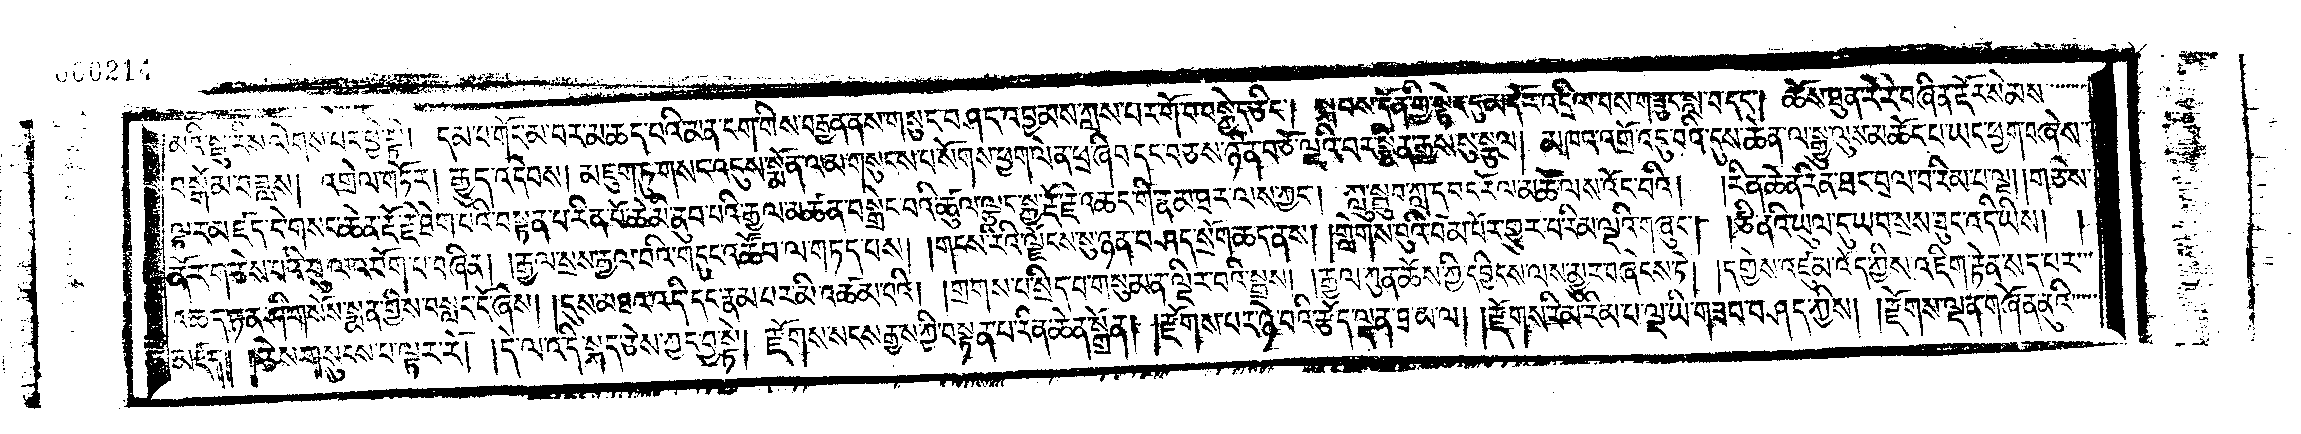མའི་སྤུ་རིས་ལེགས་པར་ཕྱེ་སྟེ། ནམ་པ་གོང་མ་པར་མ་ཆད་པའི་མན་ངག་གིས་བརྒྱན་ནས་གསུང་བཤད་འབྱམས་ཀླས་པར་གོ་བ་བསྐྱེད་ཅིང་། སྐབས་དོན་གྱི་སྟེང་དུ་མདོར་འདྲིལ་བས་གཟུང་སླ་བ་དང་། ཆོས་ཐུན་རེ་རེ་བཞིན་རྡོར་སེམས་
བསྒོམ་བཟླས། འགྲེལ་གཏོར། རྒྱུད་འདེབས། མཇུག་ཏུ་གསང་འདུས་སྨོན་ལམ་གསུངས་པ་སོགས་ཕྱག་ལེན་ཕྲ་ཞིབ་དང་བཅས་ཉིན་བཅོ་ལྔའི་བར་སྨིན་རྒྱས་སུ་སྩལ། མཁའ་འགྲོ་འདུ་བའི་དུས་ཆེན་ལ་སྒྱུ་ལུས་མཆོད་པ་ཡང་ཕྱག་བཞེས་
ལྟར་མཛད་དེ་གསང་ཆེན་རྡོ་རྗེ་ཐེག་པའི་བསྟན་པ་རིན་པོ་ཆེ་མི་ནུབ་པའི་རྒྱལ་མཚན་བསྒྲེང་བའི་ཚུལ་ལྕང་སྐྱ་རྡོ་རྗེ་འཆང་གི་རྣམ་ཐར་ལས་ཀྱང་། ཀླུ་སྒྲུབ་ཀླུ་དབང་རོལ་མཚོ་ལས་འོང་བའི། །རིན་ཆེན་རིན་ཐང་བྲལ་བ་རིམ་པ་ལྔ། །གཅེས་
ནོར་གཅེས་པའི་བུ་ལ་འབོག་པ་བཞིན། །རྒྱལ་སྲས་རྒྱལ་བའི་གདུང་འཚོབ་ལ་གཏད་པས། །གངས་རིའི་ལྗོངས་སུ་ཉན་བཤད་སྲོག་ཆད་ནས། །གླེགས་བུའི་བེམ་པོར་གྱུར་བ་རིམ་ལྔའི་གཞུང་། །ཅི་ནའི་ཡུལ་དུ་ཡབ་སྲས་ཟུང་འདི་ཡིས། །
འཆད་ཉན་ཤི་གསོས་སྨན་གྱིས་བསླད་ངོ་ཞེས། །དུས་མཐའ་འདི་དང་རྣམ་པར་མི་འཚམ་པའི། །གྲགས་པ་སྲིད་པ་གསུམ་ན་ལྡིར་བའི་སྒྲས། །རྒྱལ་ཀུན་ཆོས་ཀྱི་དབྱིངས་ལས་མྱུར་བཞེངས་ཏེ། །དགྱེས་འཛུམ་འོད་ཀྱིས་འཇིག་རྟེན་སད་བར་
མཛད། །ཅེས་གསུངས་པ་ལྟར་རོ། །དེ་ལ་འདི་སྐད་ཅེས་ཀྱང་བྱ་སྟེ། རྫོགས་སངས་རྒྱས་ཀྱི་བསྟན་པ་རིན་ཆེན་སྒྲོན། །རྫོགས་པར་ཉེ་བའི་རྩོད་ལྡན་ཐ་མལ། །རྫོགས་རིམ་རིམ་པ་ལྔ་ཡི་གཟབ་བཤད་ཀྱིས། །རྫོགས་ལྡན་གཞོན་ནུའི་